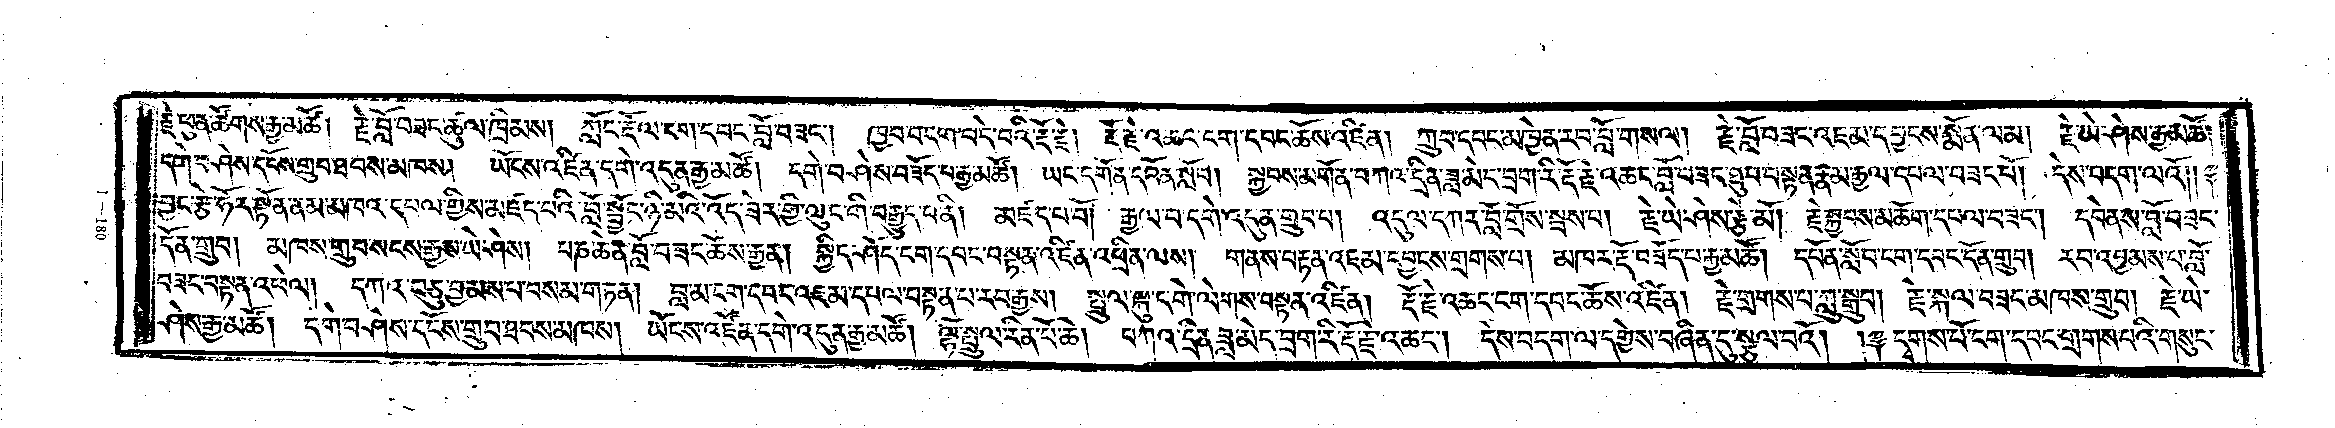རྗེ་ཕུན་ཚོགས་རྒྱ་མཚོ། རྗེ་བློ་བཟང་ཚུལ་ཁྲིམས། ཀློང་རྡོལ་ངག་དབང་བློ་བཟང་། ཁྱབ་བདག་བདེ་བའི་རྡོ་རྗེ། རྡོ་རྗེ་འཆང་ངག་དབང་ཆོས་འཛིན། གྲུབ་དབང་མཁྱེན་རབ་བློ་གསལ། རྗེ་བློ་བཟང་འཇམ་དབྱངས་སྨོན་ལམ། རྗེ་ཡེ་ཤེས་རྒྱ་མཚོ།
དགེ་བཤེས་དངོས་གྲུབ་ཐབས་མཁས། ཡོངས་འཛིན་དགེ་འདུན་རྒྱ་མཚོ། དགེ་བཤེས་བཟོད་པ་རྒྱ་མཚོ། ཡང་དགོན་དཔོན་སློབ། སྐྱབས་མགོན་བཀའ་དྲིན་ཟླ་མེད་བྲག་རི་རྡོ་རྗེ་འཆང་བློ་བཟང་ཐུབ་བསྟན་རྣམ་རྒྱལ་དཔལ་བཟང་པོ། དེས་བདག་ལའོ།། ༈
བྱང་རྩེ་ཧོར་སྟོན་ནམ་མཁའ་དཔལ་གྱིས་མཛད་པའི་བློ་སྦྱོང་ཉི་མའི་འོད་ཟེར་གྱི་ལུང་གི་བརྒྱུད་པ་ནི། མཛད་པ་པོ། རྒྱལ་བ་དགེ་འདུན་གྲུབ་པ། འདུལ་དཀར་བློ་གྲོས་སྦས་པ། རྗེ་ཡེ་ཤེས་རྩེ་མོ། རྗེ་སྐྱབས་མཆོག་དཔལ་བཟང་། དཔེ་ནས་བློ་བཟང་
དོན་གྲུབ། མཁས་གྲུབ་སངས་རྒྱས་ཡེ་ཤེས། པཎ་ཆེན་བློ་བཟང་ཆོས་རྒྱན། སྐྱིད་ཤོད་ངག་དབང་བསྟན་འཛིན་འཕྲིན་ལས། གནས་བརྟན་འཇམ་དབྱངས་གྲགས་པ། མཁར་རྡོ་བཟོད་པ་རྒྱ་མཚོ། དཔོན་སློབ་ངག་དབང་དོན་གྲུབ། རབ་འབྱམས་པ་བློ་
བཟང་བསྟན་འཕེལ། དཀའ་བཅུ་བྱམས་པ་བསམ་གཏན། བླ་མ་ངག་དབང་འཇམ་དཔལ་བསྟན་པ་རབ་རྒྱས། སྤྲུལ་སྐུ་དགེ་ལེགས་བསྟན་འཛིན། རྡོ་རྗེ་འཆང་ངག་དབང་ཆོས་འཛིན། རྗེ་གྲགས་པ་ཀླུ་སྒྲུབ། རྗེ་སྐལ་བཟང་མཁས་གྲུབ། རྗེ་ཡེ་
ཤེས་རྒྱ་མཚོ། དགེ་བཤེས་དངོས་གྲུབ་ཐབས་མཁས། ཡོངས་འཛིན་དགེ་འདུན་རྒྱ་མཚོ། ལྷོ་སྤྲུལ་རིན་པོ་ཆེ། བཀའ་དྲིན་ཟླ་མེད་བྲག་རི་རྡོ་རྗེ་འཆང་། དེས་བདག་ལ་དགྱེས་བཞིན་དུ་སྩལ་བའོ། ། ༈ དྭགས་པོ་ངག་དབང་གྲགས་པའི་གསུང་